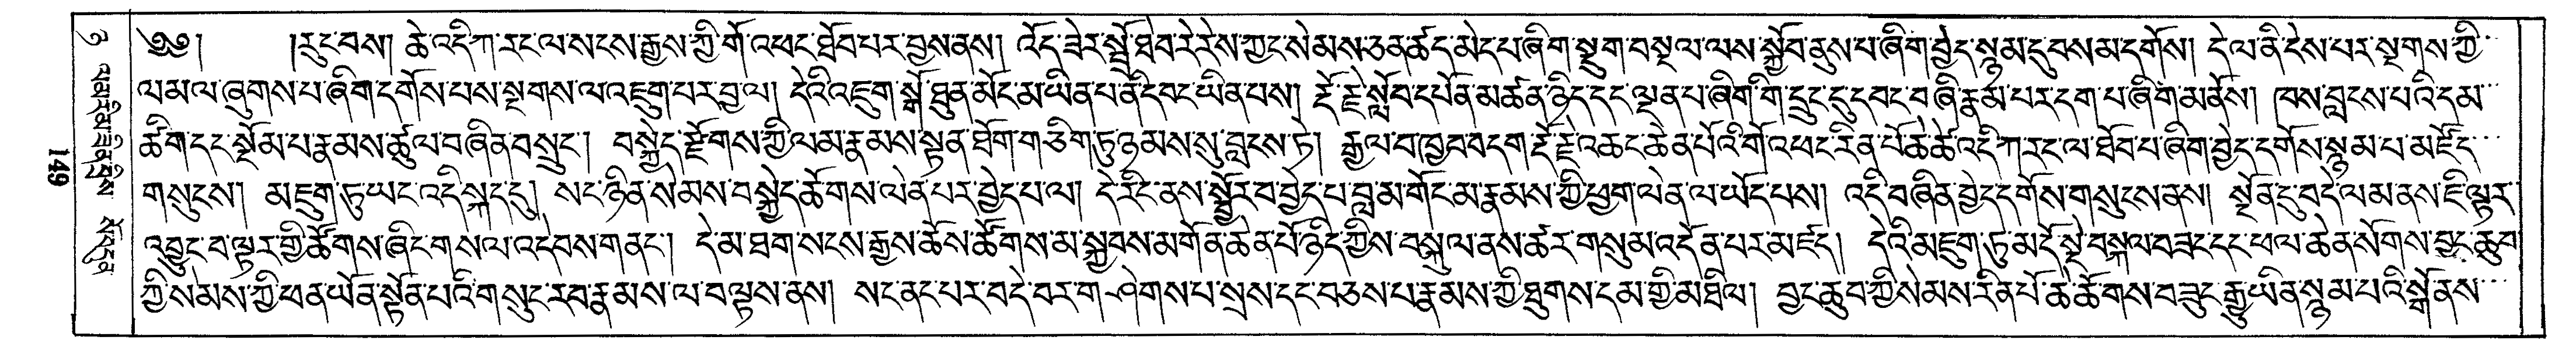༄༅། །རུང་པས། ཚེ་འདི་ཀ་རང་ལ་སངས་རྒྱས་ཀྱི་གོ་འཕང་ཐོབ་པར་བྱས་ནས། འོད་ཟེར་སྤྲོ་ཐེབ་རེ་རེས་ཀྱང་སེམས་ཅན་ཚད་མེད་བ་ཞིག་སྡུག་བསྔལ་ལས་སྐྱོ་བ་ནུས་པ་ཞིག་བྱེད་སྙམ་དུ་བསམ་དགོས། དེ་ལ་ནི་ངེས་པར་སྔགས་ཀྱི་
ལམ་ལ་ཞུགས་བ་ཞིག་དགོས་པས་སྔགས་ལ་འཇུག་པར་བྱ་ལ། དེའི་འཇུག་སྒོ་ཐུན་མོང་མ་ཡིན་པ་ནི་བདག་དབང་ཡིན་བས། རྡོ་རྗེ་སློབ་དཔོན་མཚན་ཉིད་དང་ལྡན་པ་ཞིག་གི་དྲུང་དུ་དབང་བཞི་རྣམ་པར་དག་པ་ཞིག་མ་ནོས། ཁས་བླངས་པའི་དམ་
ཚིག་དང་སྡོམ་པ་རྣམས་ཚུལ་བཞིན་བསྲུང་། བསྐྱེད་རྫོགས་ཀྱི་ལམ་རྣམས་སྟན་ཐོག་གཅིག་ཏུ་ཉམས་སུ་བླངས་ཏེ། རྒྱལ་བ་ཁྱབ་བདག་རྡོ་རྗེ་འཆང་ཆེན་བོའི་གོ་འཕང་རིན་པོ་ཆེ་ཚེ་འདི་ཀ་རང་ལ་ཐོབ་པ་ཞིག་བྱེད་དགོས་སྙམ་པ་མཛོད་
གསུངས། མཇུག་ཏུ་ཡང་འདི་སྐད་དུ། སང་ཉིན་སེམས་བསྐྱེད་ཆོགས་ལེན་པར་བྱེད་པ་ལ། དེ་རིང་ནས་སྤྱོར་བ་བྱེད་པ་བླ་མ་གོང་མ་རྣམས་ཀྱི་ཕྱག་ལེན་ལ་ཡོད་པས། འདི་བཞིན་བྱེད་དགོས་གསུངས་ནས། སྔོན་དུ་བདེ་ལམ་ནས་ཇི་ལྟར་
འབྱུང་བ་ལྟར་གྱི་ཚོགས་ཞིང་གསལ་འདེབས་གནང་། དེ་མ་ཐག་སངས་རྒྱས་ཆོས་ཚོགས་མ་སྐྱབས་མགོན་ཆེན་པོ་ཉིད་ཀྱིས་བསྐུལ་ནས་ཚར་གསུམ་འདོན་པར་མཛད། དེའི་མཇུག་ཏུ་མདོ་སྡེ་བསྐལ་བཟང་དང་ཕལ་ཆེན་སོགས་བྱང་ཆུབ་
ཀྱི་སེམས་ཀྱི་ཕན་ཡོན་སྟོན་པའི་གསུང་རབ་རྣམས་ལ་བལྟས་ནས། སང་ནང་པར་བདེ་བར་གཤེགས་པ་སྲས་དང་བཅས་པ་རྣམས་ཀྱི་ཐུགས་དམ་གྱི་མཐིལ། བྱང་ཆུབ་ཀྱི་སེམས་རིན་པོ་ཆེ་ཆོགས་བཟུང་རྒྱུ་ཡིན་སྙམ་པའི་སྒོ་ནས་